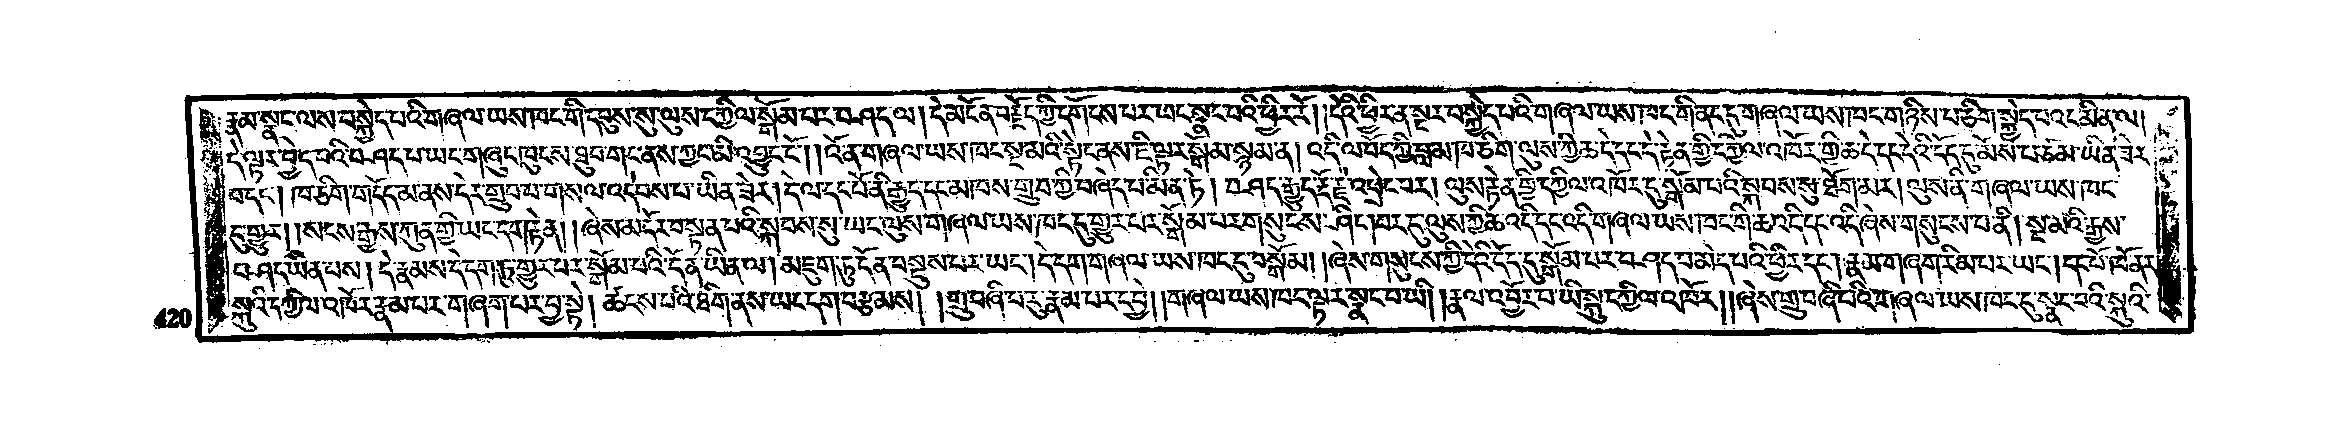རྣམ་སྣང་ལས་བསྐྱེད་པའི་གཞལ་ཡས་ཁང་གི་དབུས་སུ་ལུས་དཀྱིལ་སྒོམ་པར་བཤད་ལ། དེ་མངོན་བརྗོད་ཀྱི་དགོངས་པར་ཡང་སྣང་བའི་ཕྱིར་རོ། །དེའི་ཕྱིར་ན་སྔར་བསྐྱེད་པའི་གཞལ་ཡས་ཁང་གི་ནང་དུ་གཞལ་ཡས་ཁང་གཉིས་པ་ཅིག་སྐྱེད་པའང་མིན་ལ།
དེ་ལྟར་བྱེད་པའི་བཤད་པ་ཡང་གཞུང་ཁུངས་ཐུབ་གང་ནས་ཀྱང་མི་འབྱུང་ངོ། །འོ་ན་གཞལ་ཡས་ཁང་སྔ་རྨའི་སྟེང་ནས་ཇི་ལྟར་སྒོམ་སྙམ་ན། འདི་ལ་བོད་ཀྱི་བླ་མ་ཁ་ཅིག་ལུས་ཀྱི་ཆ་དེ་དང་དེ་རྟེན་གྱི་དཀྱིལ་འཁོར་གྱི་ཆ་དེ་དང་དེའི་དོད་དུ་མོས་པ་ཙམ་ཡིན་ཟེར་
བ་དང་། ཁ་ཅིག་གདོད་མ་ནས་དེར་གྲུབ་པ་གསལ་འདེབས་པ་ཡིན་ཟེར། དེ་ལ་དང་པོ་ནི་རྒྱུད་དང་མཁས་གྲུབ་ཀྱི་བཞེད་པ་མིན་ཏེ། བཤད་རྒྱུད་རྡོ་རྗེ་འཕྲེང་བར། ལུས་རྟེན་གྱི་དཀྱིལ་འཁོར་དུ་སྒོམ་པའི་སྐབས་སུ་ཐོག་མར། ལུས་ནི་གཞལ་ཡས་ཁང་
དུ་གྱུར། །སངས་རྒྱས་ཀུན་གྱི་ཡང་དག་རྟེན། །ཞེས་མདོར་བསྟན་པའི་སྐབས་སུ་ཡང་ལུས་གཞལ་ཡས་ཁང་དུ་གྱུར་པར་སྒོམ་པར་གསུངས་ཤིང་། བར་དུ་ལུས་ཀྱི་ཆ་འདི་དང་འདི་གཞལ་ཡས་ཁང་གི་ཆ་འདི་དང་འདི་ཞེས་གསུངས་པ་ནི། སྔ་མའི་རྒྱས་
བཤད་ཡིན་པས། དེ་རྣམས་དེ་དག་ཏུ་གྱུར་པར་སྒོམ་པའི་དོན་ཡིན་ལ། མཇུག་ཏུ་དོན་བསྡུས་པར་ཡང་། དེ་དག་གཞལ་ཡས་ཁང་དུ་བསྒོམ། །ཞེས་གསུངས་ཀྱི་དེའི་དོད་དུ་སྒོམ་པར་བཤད་པ་མེད་པའི་ཕྱིར་དང་། རྣམ་གཞག་རིམ་པར་ཡང་། དང་པོ་ཁོ་ནར་
སྐུའི་དཀྱིལ་འཁོར་རྣམ་པར་གཞག་པར་བྱ་སྟེ། ཚངས་པའི་ཐིག་ནས་ཡང་དག་བརྩམས། །གྲུ་བཞི་པ་རུ་རྣམ་པར་དབྱེ། །གཞལ་ཡས་ཁང་ལྟར་སྣང་བ་ཡི། །རྣལ་འབྱོར་པ་ཡི་སྐུ་དཀྱིལ་འཁོར། །ཞེས་གྲུ་བཞི་པའི་གཞལ་ཡས་ཁང་དུ་སྣང་བའི་སྐུའི་